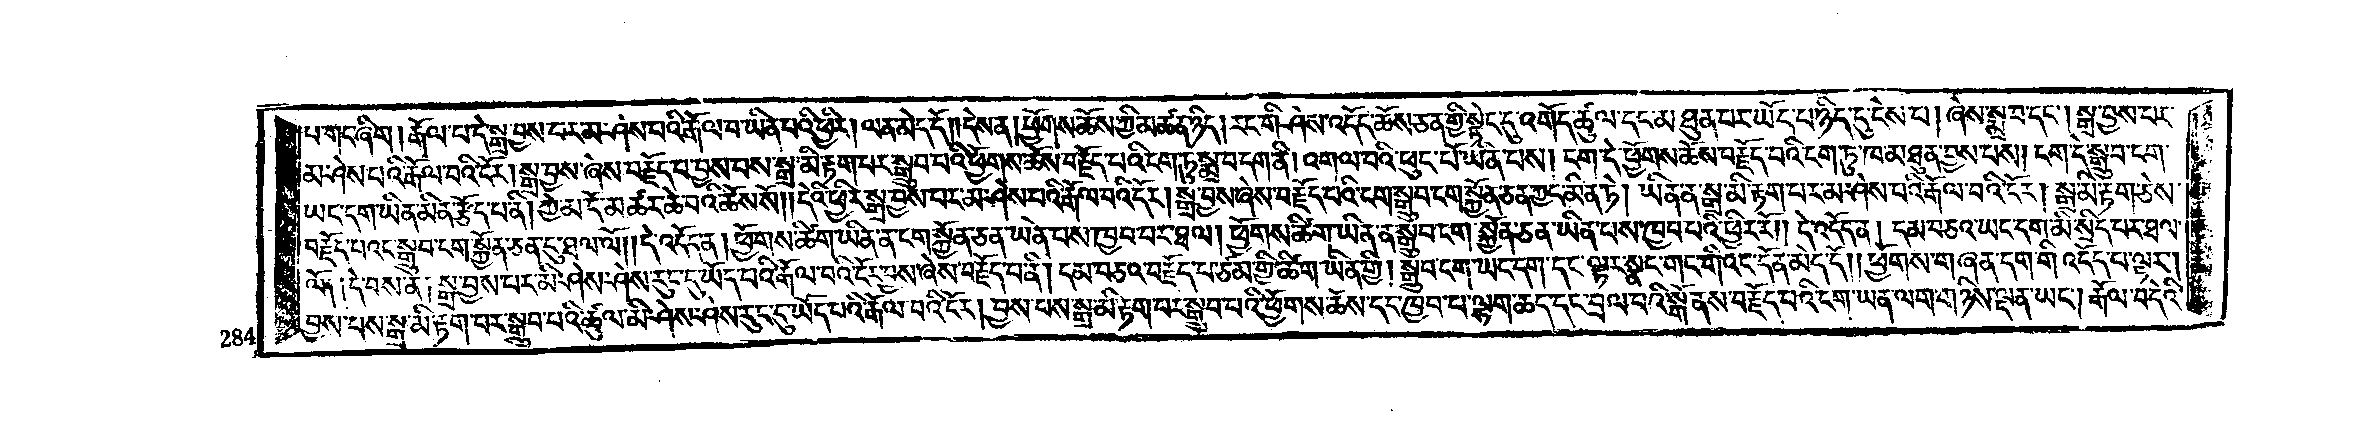པ་གང་ཞིག། རྒོལ་པ་དེ་སྒྲ་བྱས་པར་མ་ཤེས་པའི་རྒོལ་བ་ཡིན་པའི་ཕྱིར། ལན་མེད་དོ། །དེས་ན། ཕྱོགས་ཆོས་ཀྱི་མཚན་ཉིད། རང་གི་ཤེས་འདོད་ཆོས་ཅན་གྱི་སྟེང་དུ་འགོད་ཚུལ་དང་མཐུན་པར་ཡོད་པ་ཉིད་དུ་ངེས་པ། ཞེས་སྨྲ་བ་དང་། སྒྲ་བྱས་པར་
མ་ཤེས་པའི་རྒོལ་བའི་ངོར། སྒྲ་བྱས་ཞེས་བརྗོད་པ་བྱས་པས་སྒྲ་མི་རྟག་པར་སྒྲུབ་པའི་ཕྱོགས་ཆོས་བརྗོད་པའི་ངག་ཏུ་སྨྲ་བ་དག་ནི། འགལ་བའི་ཕུང་པོ་ཡིན་པས། དག་དེ་ཕྱོགས་ཆོས་བརྗོད་པའི་ངག་ཏུ་ཁ་མཐུན་བྱས་པས། ངག་དེ་སྒྲུབ་ངག་
ཡང་དག་ཡིན་མིན་རྩོད་པ་ནི། ཀྱེ་མ་ངོ་མཚར་ཆེ་བའི་ཆོས་སོ། །དེའི་ཕྱིར་སྒྲ་བྱས་པར་མ་ཤེས་པའི་རྒོལ་བའི་ངོར། སྒྲ་བྱས་ཞེས་བརྗོད་པའི་ངག་སྒྲུབ་ངག་སྐྱོན་ཅན་ཀྱང་མིན་ཏེ། ཡིན་ན་སྒྲ་མི་རྟག་པར་མ་ཤེས་པའི་རྒོལ་བའི་ངོར། སྒྲ་མི་རྟག་ཅེས་
བརྗོད་པའང་སྒྲུབ་ངག་སྐྱོན་ཅན་དུ་ཐལ་ལོ། །དེ་འདོད་ན། ཕྱོགས་ཚིག་ཡིན་ན་ངག་སྐྱོན་ཅན་ཡིན་པས་ཁྱབ་པར་ཐལ། ཕྱོགས་ཚིག་ཡིན་ན་སྒྲུབ་ངག་སྐྱོན་ཅན་ཡིན་པས་ཁྱབ་པའི་ཕྱིར་རོ། །དེ་འདོད་ན། དམ་བཅའ་ཡང་དག་མི་སྲིད་པར་ཐལ་
ལོ། །དེ་བས་ན། སྒྲ་བྱས་པར་མི་ཤེས་ཤེས་རུང་དུ་ཡོད་པའི་རྒོལ་བའི་ངོར་བྱས་ཞེས་བརྗོད་པ་ནི། དམ་བཅའ་བརྗོད་པ་ཙམ་གྱི་ཚིག་ཡིན་གྱི། སྒྲུབ་ངག་ཡང་དག་དང་ལྟར་སྣང་གང་གིའང་དོན་མེད་དོ། །ཕྱོགས་གཞན་དག་གི་འདོད་པ་ལྟར།
བྱས་པས་སྒྲ་མི་རྟག་པར་སྒྲུབ་པའི་ཚུལ་མི་ཤེས་ཤེས་རུང་དུ་ཡོད་པའི་རྒོལ་བའི་ངོར། བྱས་པས་སྒྲ་མི་རྟག་པར་སྒྲུབ་པའི་ཕྱོགས་ཆོས་དང་ཁྱབ་པ་ལྷག་ཆད་དང་བྲལ་བའི་སྒོ་ནས་བརྗོད་པའི་ངག་ཡན་ལག་གཉིས་ལྡན་ཡང་། རྒོལ་བ་དེའི་